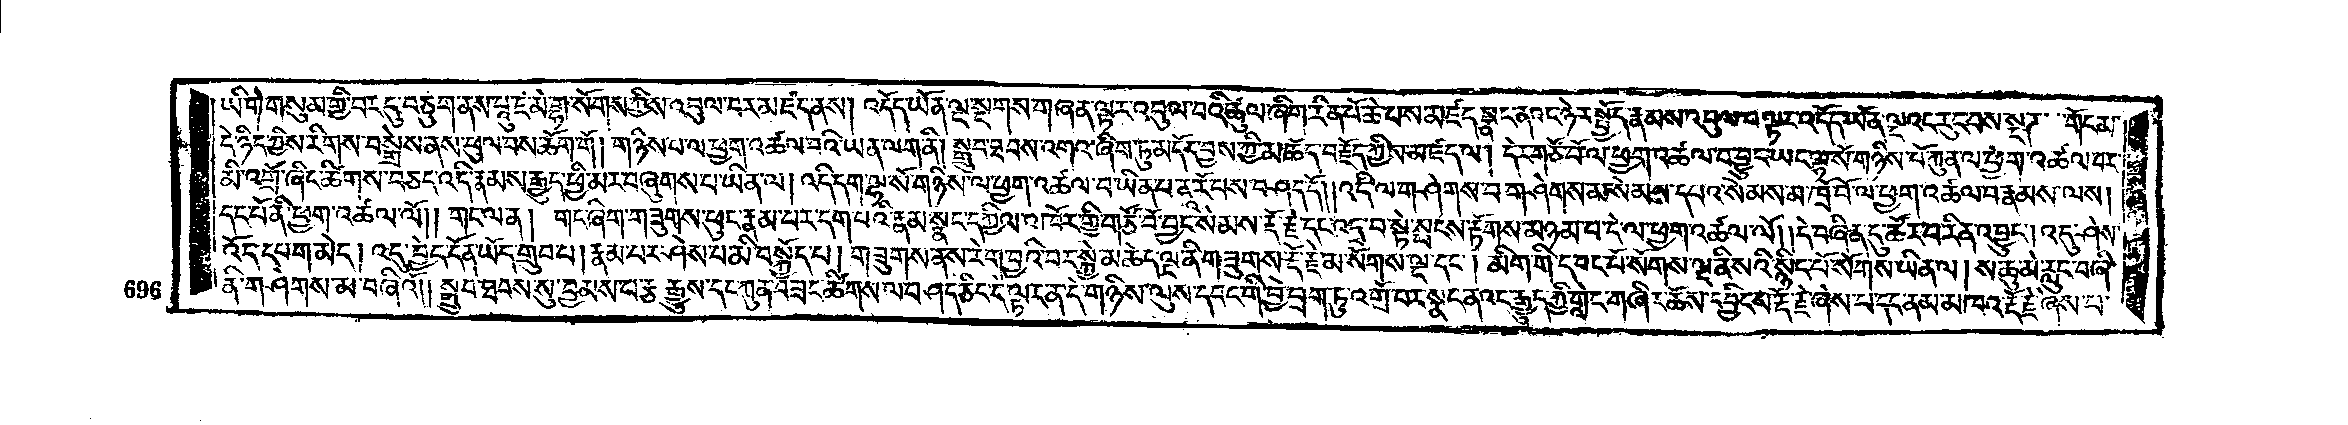ཡི་གེ་གསུམ་གྱི་བར་དུ་བཅུག་ནས་པཱུ་ཛ་མེ་གྷ་སོགས་ཀྱིས་འབུལ་བར་མཛད་ནས། འདོད་ཡོན་ལྔ་སྔགས་གཞན་ལྟར་འབུལ་བའི་ཚུལ་ཞིག་རིན་པོ་ཆེ་པས་མཛད་སྣང་ནའང་ཉེར་སྤྱོད་རྣམས་འབུལ་བ་ལྟར་འདོད་ཡོན་ལྔའང་རུང་བས་སྔགས་གོང་མ་
དེ་ཉིད་ཀྱིས་རིགས་བསྒྲེས་ནས་ཕུལ་བས་ཆོག་གོ །གཉིས་པ་ལ་ཕྱག་འཚལ་བའི་ཡན་ལག་ནི། སྒྲུབ་ཐབས་འགའ་ཞིག་ཏུ་མདོར་བྱས་ཀྱི་མཆོད་བརྗོད་ཀྱིས་མཛད་ལ། དེར་གཙོ་བོ་ལ་ཕྱག་འཚལ་བ་བྱུང་ཡང་ལྷ་སོ་གཉིས་པོ་ཀུན་ལ་ཕྱག་འཚལ་བར་
མི་འགྲོ་ཞིང་ཚིགས་བཅད་འདི་རྣམས་རྒྱུད་ཕྱི་མར་བཞུགས་པ་ཡིན་ལ། འདི་དག་ལྷ་སོ་གཉིས་ལ་ཕྱག་འཚལ་བ་ཡིན་པ་ནཱ་རོ་པས་བཤད་དོ། །འདི་ལ་གཤེསས་པ་གཤེགས་མ་སེམས་དཔའ་སེམས་མ་ཁྲོ་བོ་ལ་ཕྱག་འཚལ་བ་རྣམས་ལས།
དང་པོ་ནི་ཕྱག་འཚལ་ལོ། །གང་ལ་ན། གང་ཞིག་གཟུགས་ཕུང་རྣམ་པར་དག་པའི་རྣམ་སྣང་དཀྱིལ་འཁོར་གྱི་གཙོ་བོ་བྱང་སེམས་རྡོ་རྗེ་དང་འདྲ་བ་སྟེ་སྤངས་རྟོགས་མཉམ་པ་དེ་ལ་ཕྱག་འཚལ་ལོ། །དེ་བཞིན་དུ་ཚོར་བ་རིན་འབྱུང་། འདུ་ཤེས་
འོད་དཔག་མེད། འདུ་བྱེད་དོན་ཡོད་གྲུབ་པ། རྣམ་པར་ཤེས་པ་མི་བསྐྱོད་པ། གཟུགས་ནས་རེག་བྱའི་བར་སྐྱེ་མཆེད་ལྔ་ནི་གཟུགས་རྡོ་རྗེ་མ་སོགས་ལྔ་དང་། མིག་གི་དབང་པོ་སོགས་ལྔ་ནི་སའི་སྙིང་པོ་སོགས་ཡིན་ལ། ས་ཆུ་མེ་རླུང་བཞི་
ནི་གཤེགས་མ་བཞིའོ། །སྒྲུབ་ཐབས་སུ་བྱམས་པ་རྩ་རྒྱུས་དང་ཀུན་བཟང་ཚིགས་ལ་བཤད་ཅིང་དེ་ལྟར་ན་དེ་གཉིས་ལུས་དབང་གི་བྱེ་བྲག་ཏུ་འགྲོ་བར་སྣང་ནའང་རྒྱུད་ཀྱི་གླིང་གཞིར་ཆོས་དབྱིངས་རྡོ་རྗེ་ཞེས་པ་དང་ནམ་མཁའ་རྡོ་རྗེ་ཞེས་པ་